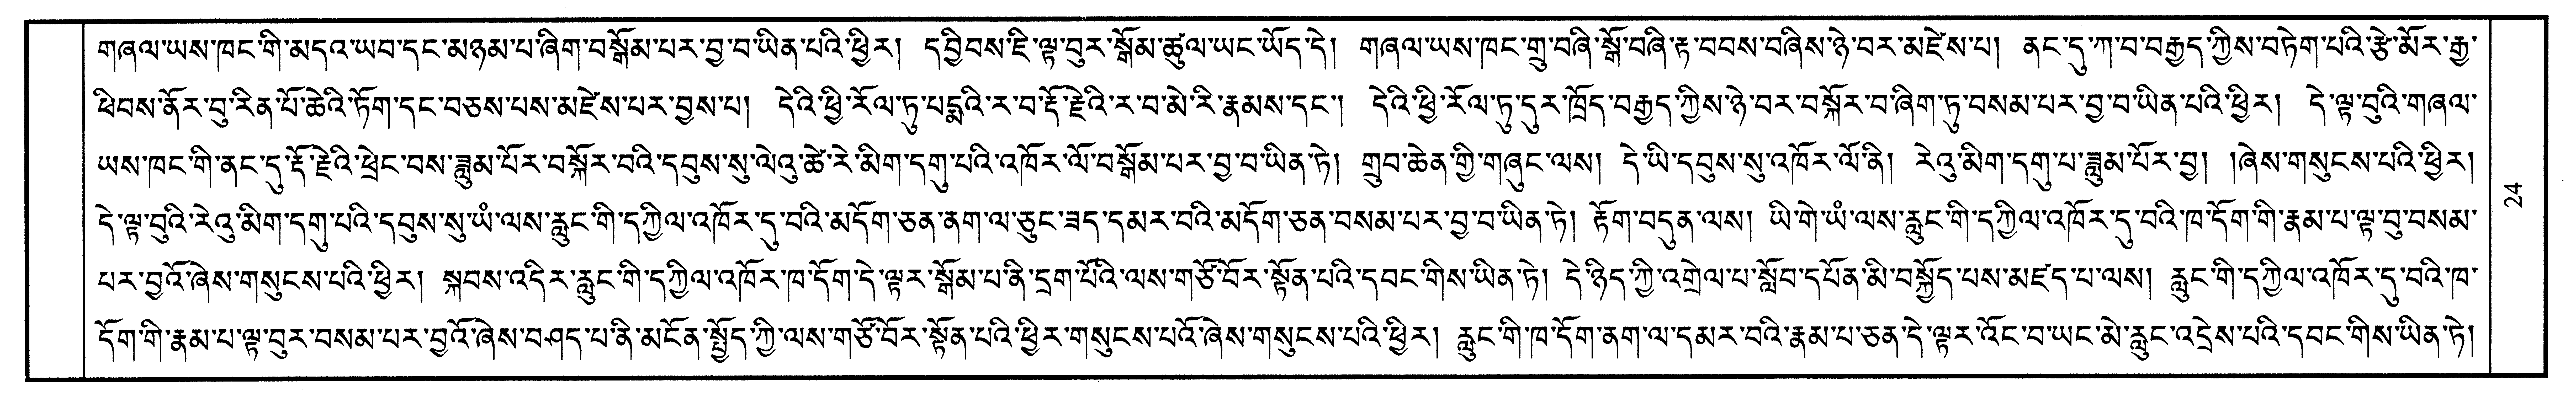གཞལ་ཡས་ཁང་གི་མདའ་ཡབ་དང་མཉམ་པ་ཞིག་བསྒོམ་པར་བྱ་བ་ཡིན་པའི་ཕྱིར། དབྱིབས་ཇི་ལྟ་བུར་སྒོམ་ཚུལ་ཡང་ཡོད་དེ། གཞལ་ཡས་ཁང་གྲུ་བཞི་སྒོ་བཞི་རྟ་བབས་བཞིས་ཉེ་བར་མཛེས་པ། ནང་དུ་ཀ་བ་བརྒྱད་ཀྱིས་བཏེག་པའི་རྩེ་མོར་རྒྱ་
ཕིབས་ནོར་བུ་རིན་པོ་ཆེའི་ཏོག་དང་བཅས་པས་མཛེས་པར་བྱས་པ། དེའི་ཕྱི་རོལ་ཏུ་པདམའི་ར་བ་རྡོ་རྗེའི་ར་བ་མེ་རི་རྣམས་དང་། དེའི་ཕྱི་རོལ་ཏུ་དུར་ཁྲོད་བརྒྱད་ཀྱིས་ཉེ་བར་བསྐོར་བ་ཞིག་ཏུ་བསམ་པར་བྱ་བ་ཡིན་པའི་ཕྱིར། དེ་ལྟའི་གཞལ་
ཡས་ཁང་གི་ནང་དུ་རྡོ་རྗེའི་ཕྲེང་བས་ཟླུམ་པོར་བསྐོར་བའི་དབུས་སུ་ལེའུ་ཚེ་རི་མིག་དགུ་པའི་འཁོར་ལོ་བསྒོམ་པར་བྱ་བ་ཡིན་ཏེ། གྲུབ་ཆེན་གྱི་གཞུང་ལས། དེ་ཡི་དབུས་སུ་འཁོར་ལོ་ནི། རེའུ་མིག་དགུ་པ་ཟླུམ་པོར་བྱ། །ཞེས་གསུངས་པའི་ཕྱིར།
དེ་ལྟ་བུའི་རེའུ་མིག་དགུ་པའི་དབུས་སུ་ཡཾ་ལས་རླུང་གི་དཀྱིལ་འཁོར་དུ་བའི་མདོག་ཅན་ནག་ལ་ཅུང་ཟད་དམར་བའི་མདོག་ཅན་བསམ་པར་བྱ་བ་ཡིན་ཏེ། རྟོག་བདུན་ལས། ཡི་གེ་ཡཾ་ལས་རླུང་གི་དཀྱིལ་འཁོར་དུ་བའི་ཁ་དོག་གི་རྣམ་པ་ལྟ་བུ་བསམ་
པར་བྱའོ་ཞེས་གསུངས་པའི་ཕྱིར། སྐབས་འདིར་རླུང་གི་དཀྱིལ་འཁོར་ཁ་དོག་དེ་ལྟར་སྒོམ་པ་ནི་དྲག་པོའི་ལས་གཙོ་བོར་སྟོན་པའི་དབང་གིས་ཡིན་ཏེ། དེ་ཉིད་ཀྱི་འགྲེལ་པ་སློབ་དཔོན་མི་བསྐྱོད་པས་མཛད་པ་ལས། རླུང་གི་དཀྱིལ་འཁོར་དུ་བའི་ཁ་
དོག་གི་རྣམ་པ་ལྟ་བུར་བསམ་པར་བྱའོ་ཞེས་བཤད་པ་ནི་མངོན་སྤྱོད་ཀྱི་ལས་གཙོ་བོར་སྟོན་པའི་ཕྱིར་གསུངས་པའོ་ཞེས་གསུངས་པའི་ཕྱིར། རླུང་གི་ཁ་དོག་ནག་ལ་དམར་བའི་རྣམ་པ་ཅན་དེ་ལྟར་འོང་བ་ཡང་མེ་རླུང་འདྲེས་པའི་དབང་གིས་ཡིན་ཏེ།